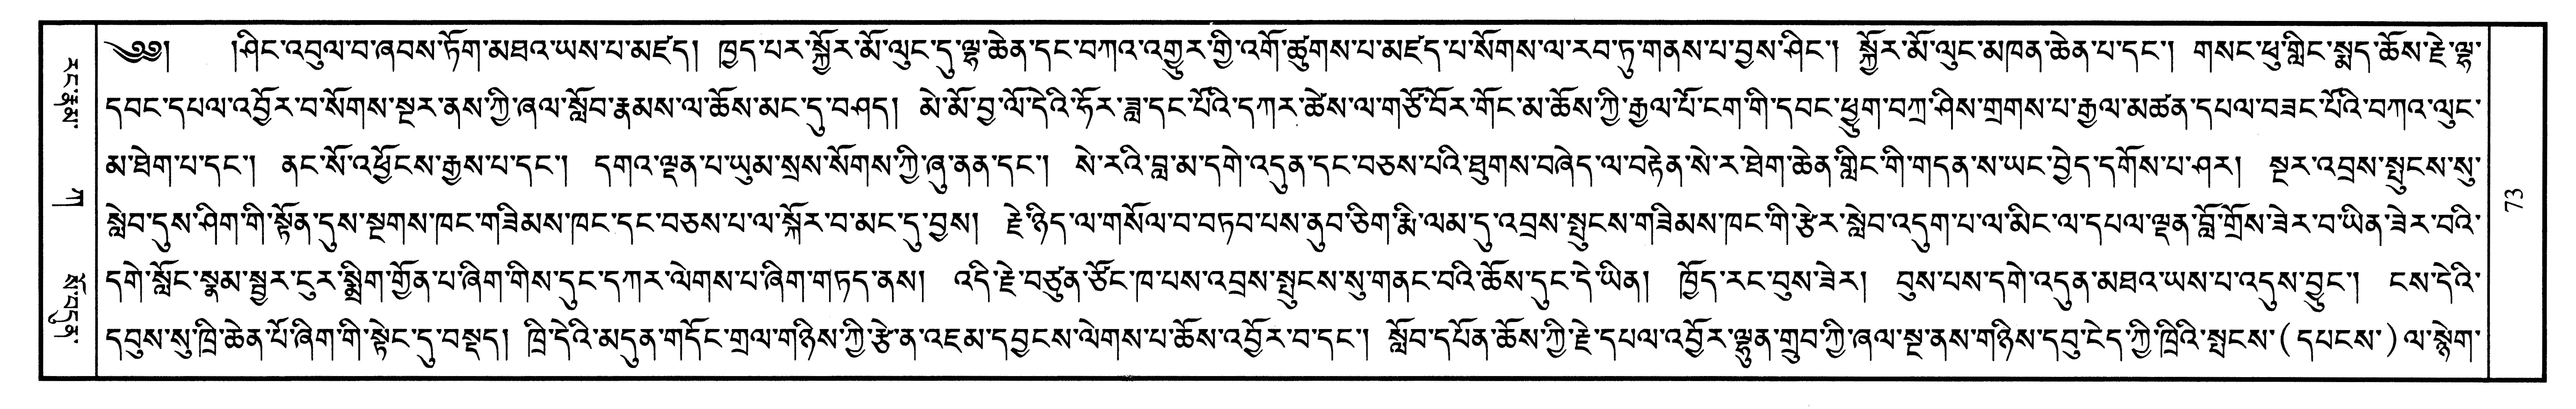༄༅། །ཤིང་འབུལ་བ་ཞབས་ཏོག་མཐའ་ཡས་པ་མཛད། ཁྱད་པར་སྐྱོར་མོ་ལུང་དུ་ལྷ་ཆེན་དང་བཀའ་འགྱུར་གྱི་འགོ་ཚུགས་པ་མཛད་པ་སོགས་ལ་རབ་ཏུ་གནས་པ་བྱས་ཤིང་། སྐྱོར་མོ་ལུང་མཁན་ཆེན་པ་དང་། གསང་ཕུ་གླིང་སྨད་ཆོས་རྗེ་ལྷ་
དབང་དཔལ་འབྱོར་བ་སོགས་སྔར་ནས་ཀྱི་ཞལ་སློབ་རྣམས་ལ་ཆོས་མང་དུ་བཤད། མེ་མོ་བྱ་ལོ་དེའི་ཧོར་ཟླ་དང་པོའི་དཀར་ཚེས་ལ་གཙོ་བོར་གོང་མ་ཆོས་ཀྱི་རྒྱལ་པོ་ངག་གི་དབང་ཕྱུག་བཀྲ་ཤིས་གྲགས་པ་རྒྱལ་མཚན་དཔལ་བཟང་པོའི་བཀའ་ལུང་
མ་ཐེག་པ་དང་། ནང་སོ་འཕྱོངས་རྒྱས་པ་དང་། དགའ་ལྡན་པ་ཡུམ་སྲས་སོགས་ཀྱི་ཞུ་ནན་དང་། སེ་རའི་བླ་མ་དགེ་འདུན་དང་བཅས་པའི་ཐུགས་བཞེད་ལ་བརྟེན་སེ་ར་ཐེག་ཆེན་གླིང་གི་གདན་ས་ཡང་བྱེད་དགོས་པ་ཤར། སྔར་འབྲས་སྤུངས་སུ་
སླེབ་དུས་ཤིག་གི་སྟོན་དུས་སྔགས་ཁང་གཟིམས་ཁང་དང་བཅས་པ་ལ་སྐོར་བ་མང་དུ་བྱས། རྗེ་ཉིད་ལ་གསོལ་བ་བཏབ་པས་ནུབ་ཅིག་རྨི་ལམ་དུ་འབྲས་སྤུངས་གཟིམས་ཁང་གི་རྩེར་སླེབ་འདུག་པ་ལ་མིང་ལ་དཔལ་ལྡན་བློ་གྲོས་ཟེར་བ་ཡིན་ཟེར་བའི་
དགེ་སློང་སྣམ་སྦྱར་ངུར་སྨྲིག་གྱོན་པ་ཞིག་གིས་དུང་དཀར་ལེགས་པ་ཞིག་གཏད་ནས། འདི་རྗེ་བཙུན་ཙོང་ཁ་པས་འབྲས་སྤུངས་སུ་གནང་བའི་ཆོས་དུང་དེ་ཡིན། ཁྱོད་རང་བུས་ཟེར། བུས་པས་དགེ་འདུན་མཐའ་ཡས་པ་འདུས་བྱུང་། ངས་དེའི་
དབུས་སུ་ཁྲི་ཆེན་པོ་ཞིག་གི་སྟེང་དུ་བསྡད། ཁྲི་དེའི་མདུན་གདོང་གྲལ་གཉིས་ཀྱི་རྩེ་ན་འཇམ་དབྱངས་ལེགས་པ་ཆོས་འབྱོར་བ་དང་། སློབ་དཔོན་ཆོས་ཀྱི་རྗེ་དཔལ་འབྱོར་ལྷུན་གྲུབ་ཀྱི་ཞལ་སྔ་ནས་གཉིས་དབུ་ངེད་ཀྱི་ཁྲིའི་སྤངས་དཔངས་ལ་སྙེག་